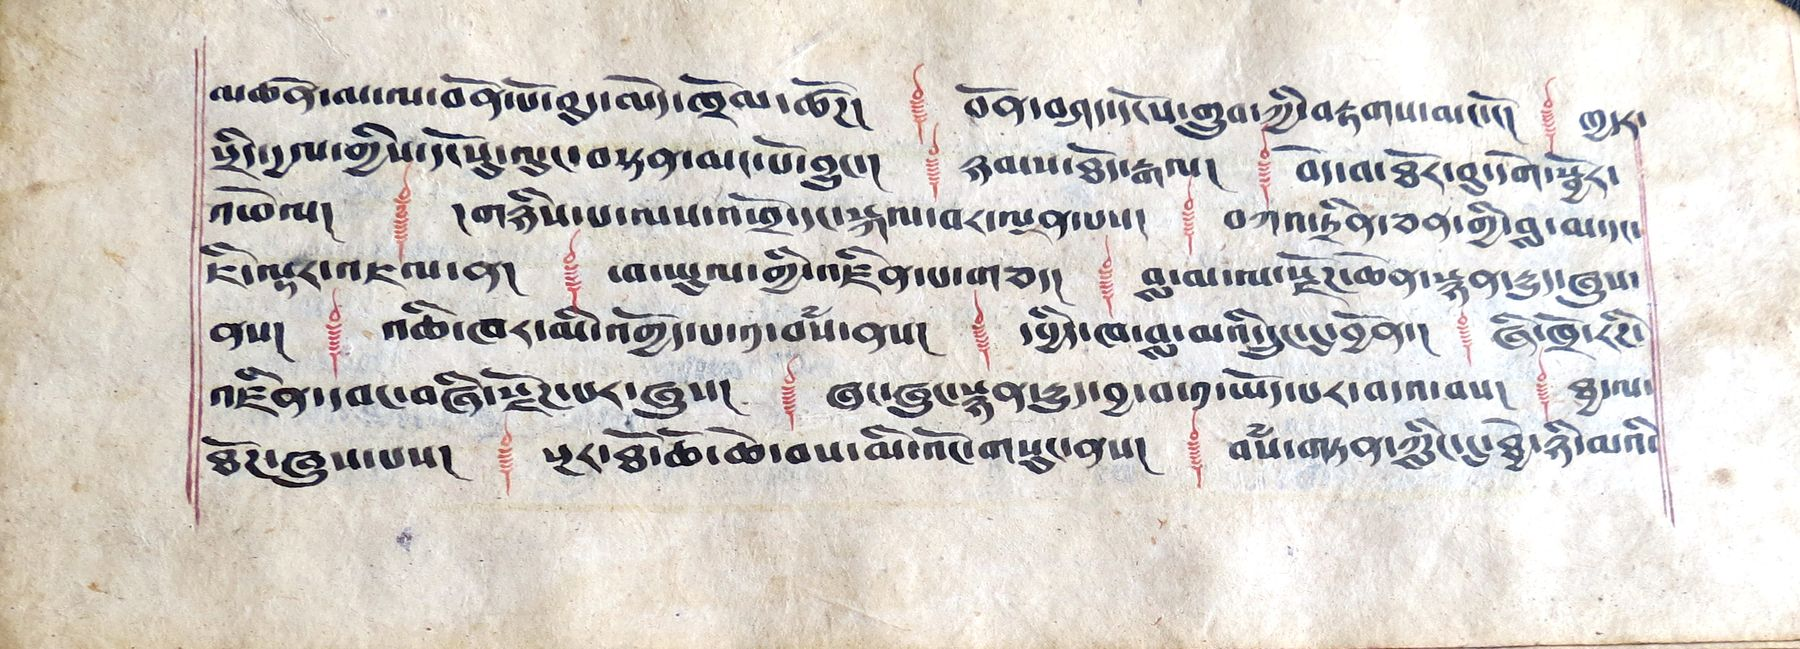མཚན་ལྟས་ལ། བོན་པོ་བུད་མེད་ཁྲོམ་ཚོགས། བོན་བཤད་དངོས་གྲུབ་གྱི་རྟགས་མང་ངོ། ། ཁྱད་པར་
སྲིད་རྒྱལ་གྱིས་དངོས་སུ་ལུང་བསྟན་མང་པོ་བྱུང་། ཉམས་ཐོད་རྒལ། བདེ་བ་འཐོར་བུ་དགེ་སྦྱོར་
འཕེལ། གཉིས་པ་ལས་འཕྲོ་དང་སྐལ་པར་ལྡན་པས། བཀའ་དྲིན་ཅན་གྱི་བླ་མ་དང་
ཅི་ལྟར་མཇལ་ན། ཕ་ཡུལ་གྱི་འཛིན་པ་བཅད། བླ་མ་ལ་རྫོགས་ཆེན་སྙན་རྒྱུད་ཞུས་
ནས། འཆི་ཁར་མི་འགྱོད་པ་ཞིག་བསམ་ནས། དཔྱིད་ཁ་བླ་མའི་དྲུང་དུ་བྱོན། ཞི་ཁྲོ་རིག་
འཛིན་དབང་བཞི་རྫོགས་པར་ཞུས། ཞང་ཞུང་སྙན་རྒྱུད་བྱ་བ་ཡོད་པར་གདའ་བས། ཐུགས་ལ་
ཐོགས་ཞུས་པས། སྔར་ཐོ་ཆོ་ཆེ་བས་མི་ཡོང་གསུངས་ནས། བསམ་གཏན་གླིང་དུ་ཐུགས་རྗེ་ཉི་མའི་